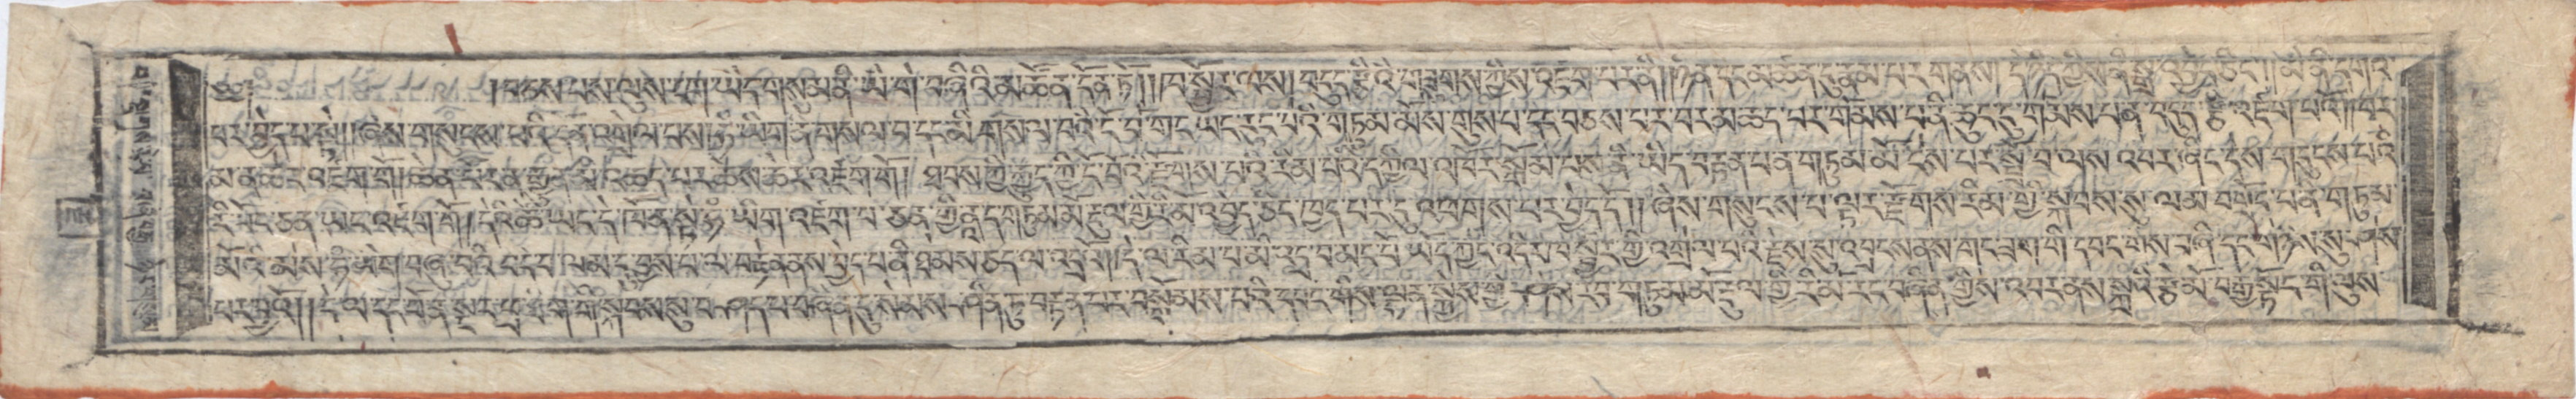༄༅། །བཅས་པས་ལུས་ངག་ཡིད་གསུམ་ནི་ཡི་གེ་བཞིའི་མཚོན་དོན་ཏོ། །ཁ་སྦྱོར་ལས། བདུད་རྩིའི་གཟུགས་ཀྱིས་འཛག་པར་ནི། །ཉིན་དང་མཚན་དུ་རྣམ་པར་གནས། དེ་ཉིད་ཀྱིས་ནི་སྒྲ་འབྱེད་ཅིང་། །མེ་ནི་དགའ་
པར་བྱེད་པ་སྟེ། །ཞེས་གསུངས་པའི་དོན་འགྲེལ་པས། ཧཾ་ཡིག་ནི་གསལ་བ་དང་མི་གསལ་བའི་ངོ་བོ་གང་ཡང་རུང་བའི་གཏུམ་མོས་གུས་པ་དང་བཅས་པར་བར་མ་ཆད་པར་གོམས་པ་ནི་ཆུང་ངུ་གོམས་པ་ནི་བདུད་རྩི་འཛག་པའོ། །བར་
མ་ན་ཆེར་འཛག་གོ །ཆེན་པོར་ན་རྒྱུན་མི་འཆད་པར་ཆེས་ཆེར་འཛག་གོ །ཐབས་ཀྱི་རྒྱུད་ཀྱི་ངོ་བོའི་རྫོགས་པའི་རིམ་པའི་དཀྱིལ་འཁོར་སྒོམ་པས་ནི་ཡིད་བརྟན་པ་ན་གཏུམ་མོ་ངེས་པར་སྤྲོ་བ་ལས་འབར་ཞིང་དེས་གདུངས་པའི་
རི་བོང་ཅན་ཡང་འཛག་གོ །དེའི་ཚེ་ཡང་དེ་ཁོ་ན་སྟེ་ཧཾ་ཡིག་འཛག་པ་ཅན་གྱི་ནཱ་ད་གཏུམ་མོ་རྡུལ་གྱི་རི་མོ་འབྱེད་ཅིང་ཁྱད་པར་དུ་འཕགས་པར་བྱེད་དོ། །ཞེས་གསུངས་པ་ལྟར་རྫོགས་རིམ་གྱི་སྐབས་སུ་ལམ་བགྲོད་པ་ནི་གཏུམ་
མོའི་མེས་ཧཾ་ཡིག་བཞུ་བའི་བདེ་བ་ལམ་དུ་བྱས་པ་ལ་བརྟེན་ནས་བྱེད་པ་ནི་ཐམས་ཅད་ལ་འདྲའོ། །དེ་ལ་རིམ་པ་མི་འདྲ་བ་མང་པོ་ཡོད་ཀྱང་འདིར་ཁ་སྦྱོར་གྱི་འགྲེལ་པའི་རྗེས་སུ་འབྲངས་ནས་གང་ཟག་གི་དབང་གིས་བཞི་དང་གཉིས་སུ་ཤེས་
པར་བྱའོ། །དེ་ལ་དང་པོ་ནི་སྔར་ཕྲ་ཐིག་གི་སྐབས་སུ་བཤད་པ་བཞིན་དུ་སེམས་ཤིན་ཏུ་བརྟན་པར་བསྒོམས་པའི་དབང་གིས་ལྷན་སྐྱེས་གྱི་ཤེས་རབ་གཏུམ་མོ་རྡུལ་གྱི་རིམ་མོ་རང་བཞིན་གྱིས་འབར་ནས་སྐྲའི་རྩེ་མོ་བརྒྱ་སྟོང་གི་ལུས་